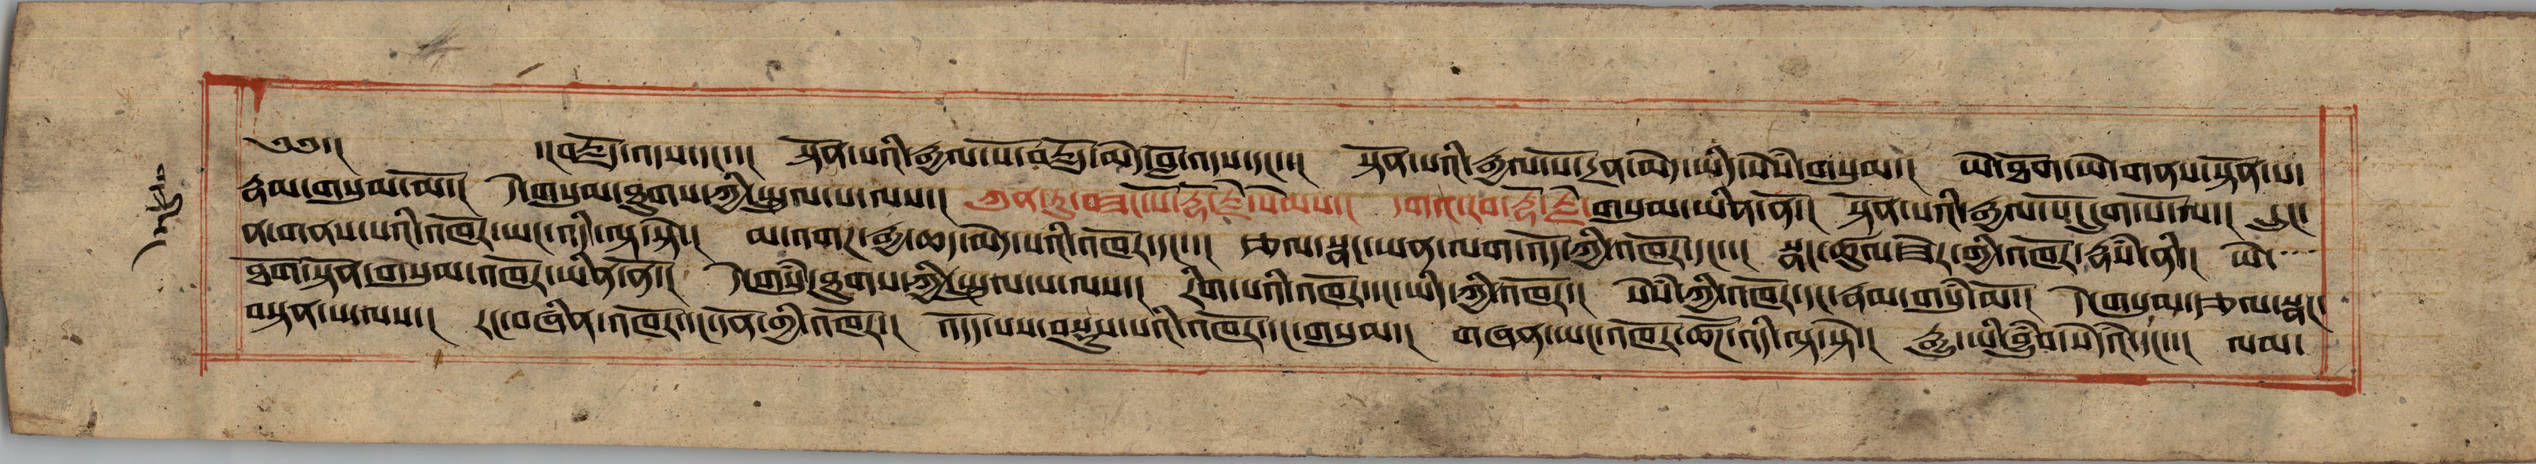༄༅་། ་།བརྗོད་འདས་དང་་། སྟོན་པའི་རྒྱལ་པོ་བརྗོད་མེད་བློ་འདས་དང་་། སྟོན་པའི་རྒྱལ་པོ་དྲན་མེད་ཡིད་སེསཾ་གསུམ་། ཡེ་ཐོག་ཡེ་གནས་སྟོན་པ་
རྣམ་གསུམ་མོ་། དེ་གསུམ་ཐུགས་ཀྱི་སྤྲུལ་པ་ལས་། ཀུན་ཏུ་བཟང་པོ་རྡོ་རྗེ་སེམས་། དགའ་རབ་རྡོ་རྗེ་གསུམ་ཡིན་ནོ་། སྟོན་པའི་རྒྱལ་པོ་དྲུག་པོ་ལ་། དྲུང་
ན་གནས་པའི་འཁོར་ཡང་འདི་ལྟ་སྟེ་། མ་འགཌ་རྒྱ་ཆད་མེད་པའི་འཁོར་དང་་། རྩལ་སྣང་ཡན་ལག་འོད་ཀྱི་འཁོར་དང་་། སྣང་ཚུལ་ཟེར་གྱི་འཁོར་རྣཾས་ནི་། ཡེ་
ཐོག་སྟོན་གསུམ་འཁོར་ཡིན་ནོ་། དེ་གསུཾ་ཐུགས་ཀྱི་སྤྲུལ་པ་ལས་། རིག་པའི་འཁོར་དང་ཡིད་ཀྱི་འཁོར་། སེཾས་ཀྱི་འཁོར་དང་རྣམ་གསུཾ་མོ་། དེ་གསུམ་རྩལ་སྣང་
བསྟན་པ་ལས་། རང་བཞིན་འཁོར་དང་དོན་གྱི་འཁོར་། འདོད་པས་བསྡུས་པའི་འཁོར་དང་གསུམ་། གཞན་ཡང་འཁོར་ཚོཌ་འདི་ལྟ་སྟེ་། རྒྱུ་ཡི་བྱུཾབ་སེདཾའ་དང་་། ལམ་